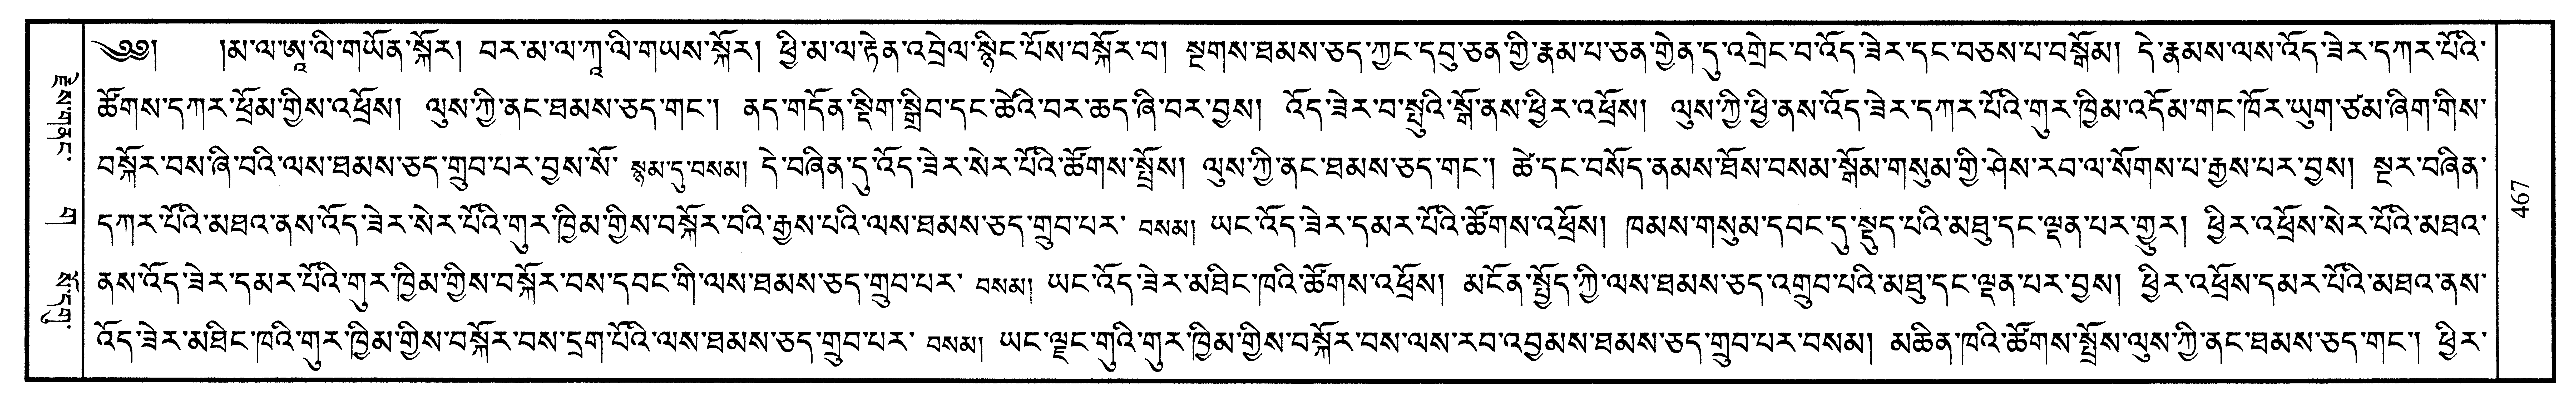༄༅། །མ་ལ་ཨཱ་ལི་གཡོན་སྐོར། བར་མ་ལ་ཀཱ་ལི་གཡས་སྐོར། ཕྱི་མ་ལ་རྟེན་འབྲེལ་སྙིང་པོས་བསྐོར་བ། སྔགས་ཐམས་ཅད་ཀྱང་དབུ་ཅན་གྱི་རྣམ་པ་ཅན་གྱེན་དུ་འགྲེང་བ་འོད་ཟེར་དང་བཅས་པ་བསྒོམ། དེ་རྣམས་ལས་འོད་ཟེར་དཀར་པོའི་
ཚོགས་དཀར་ཕྲོམ་གྱིས་འཕྲོས། ལུས་ཀྱི་ནང་ཐམས་ཅད་གང་། ནད་གདོན་སྡིག་སྒྲིབ་དང་ཚེའི་བར་ཆད་ཞི་བར་བྱས། འོད་ཟེར་བ་སྤུའི་སྒོ་ནས་ཕྱིར་འཕྲོས། ལུས་ཀྱི་ཕྱི་ནས་འོད་ཟེར་དཀར་པོའི་གུར་ཁྱིམ་འདོམ་གང་ཁོར་ཡུག་ཙམ་ཞིག་གིས་
བསྐོར་བས་ཞི་བའི་ལས་ཐམས་ཅད་གྲུབ་པར་བྱས་སོ་སྙམ་དུ་བསམ། དེ་བཞིན་དུ་འོད་ཟེར་སེར་པོའི་ཚོགས་སྤྲོས། ལུས་ཀྱི་ནང་ཐམས་ཅད་གང་། ཚེ་དང་བསོད་ནམས་ཐོས་བསམ་སྒོམ་གསུམ་གྱི་ཤེས་རབ་ལ་སོགས་པ་རྒྱས་པར་བྱས། སྔར་བཞིན་
དཀར་པོའི་མཐའ་ནས་འོད་ཟེར་སེར་པོའི་གུར་ཁྱིམ་གྱིས་བསྐོར་བའི་རྒྱས་པའི་ལས་ཐམས་ཅད་གྲུབ་པར་བསམ། ཡང་འོད་ཟེར་དམར་པོའི་ཚོགས་འཕྲོས། ཁམས་གསུམ་དབང་དུ་སྡུད་པའི་མཐུ་དང་ལྡན་པར་གྱུར། ཕྱིར་འཕྲོས་སེར་པོའི་མཐའ་
ནས་འོད་ཟེར་དམར་པོའི་གུར་ཁྱིམ་གྱིས་བསྐོར་བས་དབང་གི་ལས་ཐམས་ཅད་གྲུབ་པར་བསམ། ཡང་འོད་ཟེར་མཐིང་ཁའི་ཚོགས་འཕྲོས། །མངོན་སྤྱོད་ཀྱི་ལས་ཐམས་ཅད་འགྲུབ་པའི་མཐུ་དང་ལྡན་པར་བྱས། ཕྱིར་འཕྲོས་དམར་པོའི་མཐའ་ནས་
འོད་ཟེར་མཐིང་ཁའི་གུར་ཁྱིམ་གྱིས་བསྐོར་བས་དྲག་པོའི་ལས་ཐམས་ཅད་གྲུབ་པར་བསམ། ཡང་ལྗང་གུའི་གུར་ཁྱིམ་གྱིས་བསྐོར་བས་ལས་རབ་འབྱམས་ཐམས་ཅད་གྲུབ་པར་བསམ། མཆིན་ཁའི་ཚོགས་སྤྲོས་ལུས་ཀྱི་ནང་ཐམས་ཅད་གང་། ཕྱིར་